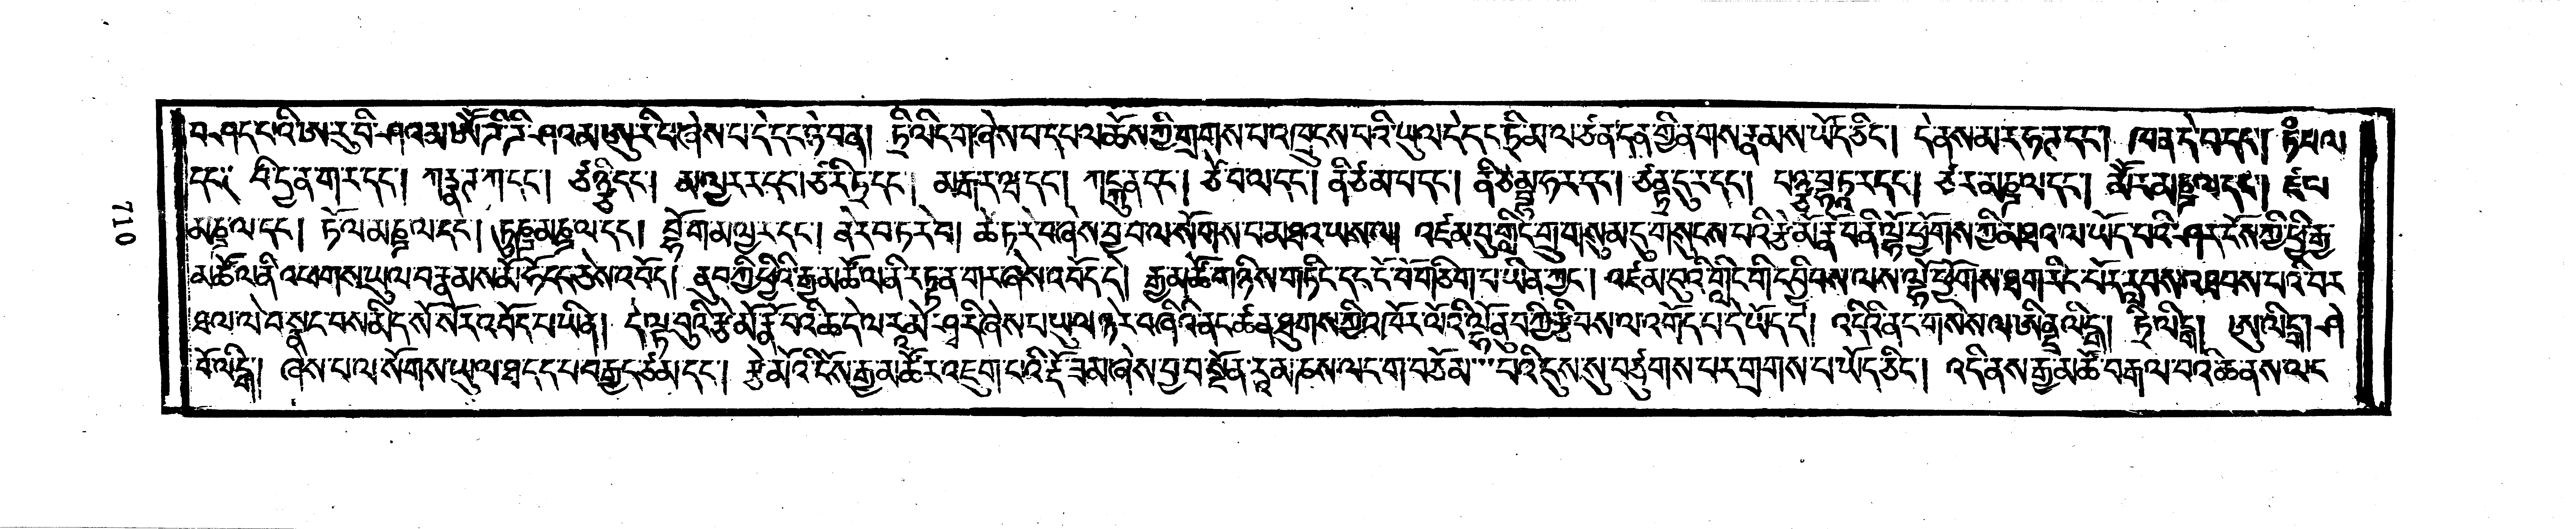བཤད་པའི་ཨ་རུ་བི་ཤའམ་ཨཽ་ཌི་ཌི་ཤའམ་ཨུ་རི་པ་ཞེས་པ་དེ་དང་ཉེ་བ་ན། ཏྲི་ལིང་གཞེས་པ་དཔལ་ཆོས་ཀྱི་གྲགས་པ་འཁྲུངས་པའི་ཡུལ་དེ་དང་ཏྲི་མ་ལ་ཙན་དན་གྱི་ནགས་རྣམས་ཡོད་ཅིང་། དེ་ནས་མར་ཧཌ་དང་། ཁན་དེ་བ་དང་། ཏཾ་པལ་
དང༑ བི་དྱ་ན་ག་ར་དང་། ཀརྣ་ཊ་ཀ་དང་། ཙཉྩི་དང་། མ་ལྱར་ར་དང་། ཙ་རི་ཏྲ་དང་། མརྒ་ར་ཝ་དང་། ཀངྐུ་ན་དང་། ཙེ་བ་ལ་དང་། ནི་ཙ་མ་པ་དང་། ནི་ཙམྦྷ་ཧ་ར་དང་། ཙནྟྲ་དུ་ར་དང་། པཉྩ་བྷ་ཏཱ་ར་དང་། ཙ་ར་མཎྜལ་དང་། མཽ་ར་མཎྜལ་དང་། ཛལ་
མཎྜ་ལ་དང་། ཏོ་ལ་མཎྜལ་དང་། ཏུཎྜ་མཎྜ་ལ་དང་། བྷོ་ག་མལྱ་ར་དང་། ནེར་བ་ཏ་རེ་བ། ཚེ་ཏ་རེ་བ་ཞེས་བྱ་བ་ལ་སོགས་པ་མཐའ་ཡས་ལ། འཛམ་བུ་གླིང་གྲུ་གསུམ་དུ་གསུངས་པའི་རྩེ་མོ་རྣོ་བ་ནི་ལྷོ་ཕྱོགས་ཀྱི་མཐའ་ལ་ཡོད་པའི་ཤར་ངོས་ཀྱི་ཕྱི་རྒྱ་
མཚོལ་ནི་འཕགས་ཡུལ་བ་རྣམས་མོ་ཧོ་དང་ཅེས་འབོད། ནུབ་ཀྱི་ཕྱིའི་རྒྱ་མཚོ་ལ་ནི་རཏྟ་ན་གར་ཞེས་འབོད་དེ། རྒྱ་མཚོ་གཉིས་གཏིང་དང་ངོ་བོ་གཅིག་པ་ཡིན་ཀྱང་། འཛམ་བུའི་གླིང་གི་དབྱིབས་ལས་ལྷོ་ཕྱོགས་ཐག་རིང་པོར་རླབས་འཐབས་པའི་བར་
ཐལ་ལེ་བ་སྣང་བས་མིད་སོ་སོར་འབོད་པ་ཡིན། དེ་ལྟ་བུའི་རྩེ་མོ་རྣོ་བའི་ཆ་དེ་ལ་རཱ་མེ་ཤྭ་རི་ཞེས་པ་ཡུལ་ཉེར་བཞིའི་ནང་ཚན་ཐུགས་ཀྱི་འཁོར་ལོའི་ལྷོ་ནུབ་ཀྱི་རྩིབས་ལ་འགོད་པ་དེ་ཡོད་དེ། འདིའི་ནང་གསེས་ལ་ཨིནྡྲ་ལིངྒ། ཏྲི་ལིངྒ། ཨུ་ལིངྒ། ཤེ་
བོ་ལིངྒ། ཞེས་པ་ལ་སོགས་ཡུལ་ཐ་དད་པ་བརྒྱད་ཙམ་དང་། རྩེ་མོའི་ངོས་རྒྱ་མཚོར་འཇུག་པའི་རྡོ་ཟམ་ཞེས་བྱ་བ་སྔོན་རཱ་མ་ཎས་ལང་ག་བཅོམ་པའི་དུས་སུ་བཙུགས་པར་གྲགས་པ་ཡོད་ཅིང་། འདི་ནས་རྒྱ་མཚོ་བརྒལ་བའི་ཆ་ནས་ལང་